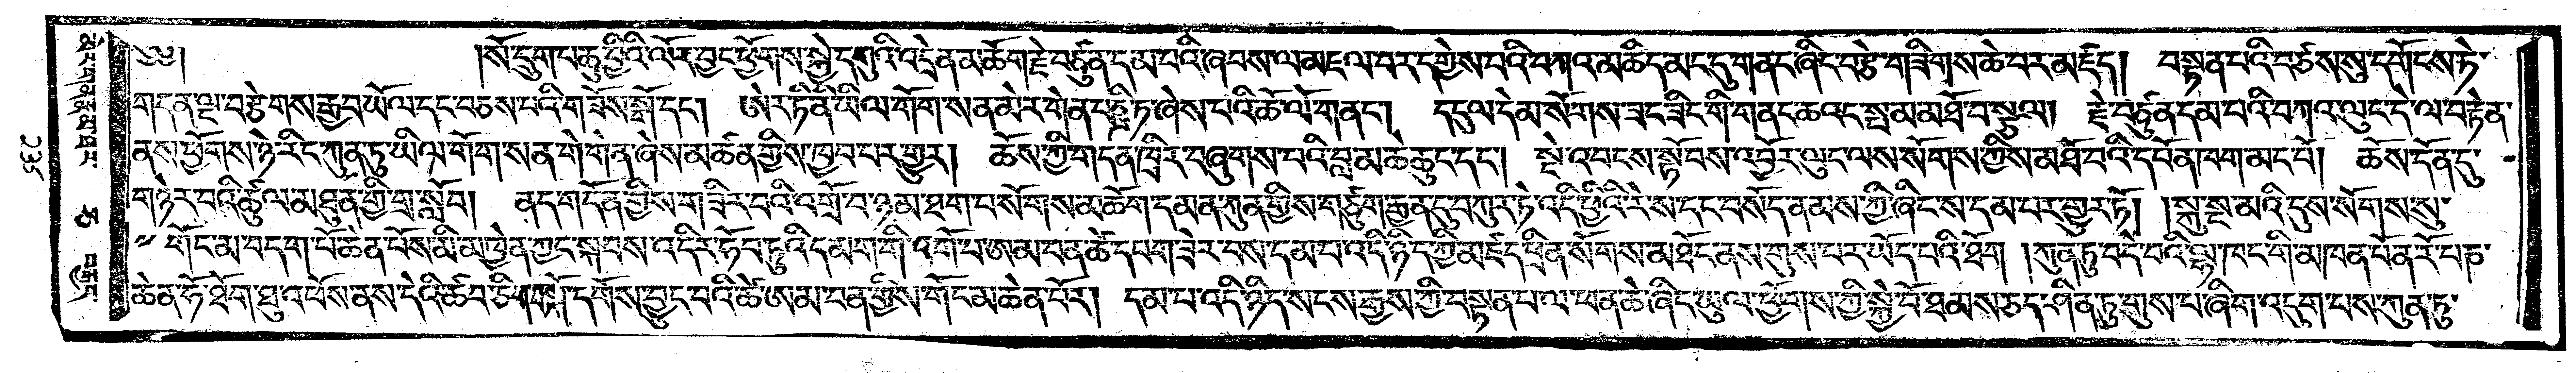༄༅། །སོ་དྲུག་པ་ཆུ་བྱིའི་ལོར་བྱང་ཕྱོགས་སྐྱེ་དགུའི་འདྲེན་མཆོག་རྗེ་བཙུན་དམ་པའི་ཞབས་ལ་མཇལ་བར་དགྱེས་པའི་བཀའ་མཆིད་མང་དུ་གནང་ཞིང་བརྩེ་གཟིགས་ཆེ་བར་མཛད། བསྟན་པའི་བཙས་སུ་དགོངས་ཏེ་
གདན་ལྔ་བརྩེགས་རྒྱབ་ཡོལ་དང་བཅས་པའི་གཟོས་སྒོ་དང་། ཨེར་ཏི་ནི་ཡིལ་གོག་སན་མེར་གེན་པཎྜི་ཏ་ཞེས་པའི་ཆོ་ལོ་གནང་། དངུལ་དེམ་སོགས་ཟང་ཟིང་གི་གནང་ཆའང་སྤམ་མཐོ་བསྩལ། རྗེ་བཙུན་དམ་པའི་བཀའ་ལུང་དེ་ལ་བརྟེན་
ནས་ཕྱོགས་ཉེ་རིང་ཀུན་ཏུ་ཡིལ་གོགས་ན་གེ་གེན་ཞེས་མཚན་གྱིས་ཁྱབ་པར་གྱུར། ཆོས་ཀྱི་གདན་ཁྲིར་བཞུགས་པའི་བླ་མ་ཆེ་ཆུང་དང་། སྡེ་འབངས་སྟོབས་འབྱོར་ལུང་ལས་སོགས་ཀྱིས་མཐོ་བའི་དཔོན་ཁག་མང་པོ། ཆོས་དོན་དུ་
གཉེར་བའི་ཚུལ་མཐུན་གྱི་གྲ་སློབ། ནད་གདོན་གྱིས་གཟིར་བའི་འགྲོ་བ་ཉམ་ཐག་པ་སོགས་མཆོག་དམན་ཀུན་གྱིས་གཙུག་རྒྱན་དུ་བཀུར་ཏེ་འདི་ཕྱིའི་རེ་ས་དང་བསོད་ནམས་ཀྱི་ཞིང་ས་དམ་པར་གྱུར་ཏོ། །སྐུ་སྔ་མའི་དུས་སོགས་སུ་
༧་གོང་མ་བདག་པོ་ཆེན་པོས་མི་མཁྱེན་ཀྱང་སྐབས་འདིར་ཐོབ་ཏུའི་དམག་གི་འགོ་བ་ཨམ་བན་ཚེ་དཔག་ཟེར་བས་དམ་པ་འདི་ཉིད་ཀྱི་མཛད་ཕྲིན་སོགས་མཐོང་ནས་གུས་པར་ཡོད་པའི་ཐོག །ཀུན་ཏུ་བདེ་བའི་ལྷ་ཁང་གི་མཁན་པོན་རོ་པཎ་
ཆེན་ཧོ་ཐོག་ཐུ་འཕོས་ནས་དེའི་ཚབ་ཅིག་བསྐོ་དགོས་བྱུང་བའི་ཚེ་ཨམ་བན་གྱིས་གོང་མཆེན་པོར། དམ་པ་འདི་ཉིད་སངས་རྒྱས་ཀྱི་བསྟན་པ་ལ་ཕན་ཆེ་ཞིང་ཡུལ་ཕྱོགས་ཀྱི་སྐྱེ་བོ་ཐམས་ཅད་ཤིན་ཏུ་གུས་པ་ཞིག་འདུག་པས་ཀུན་ཏུ་